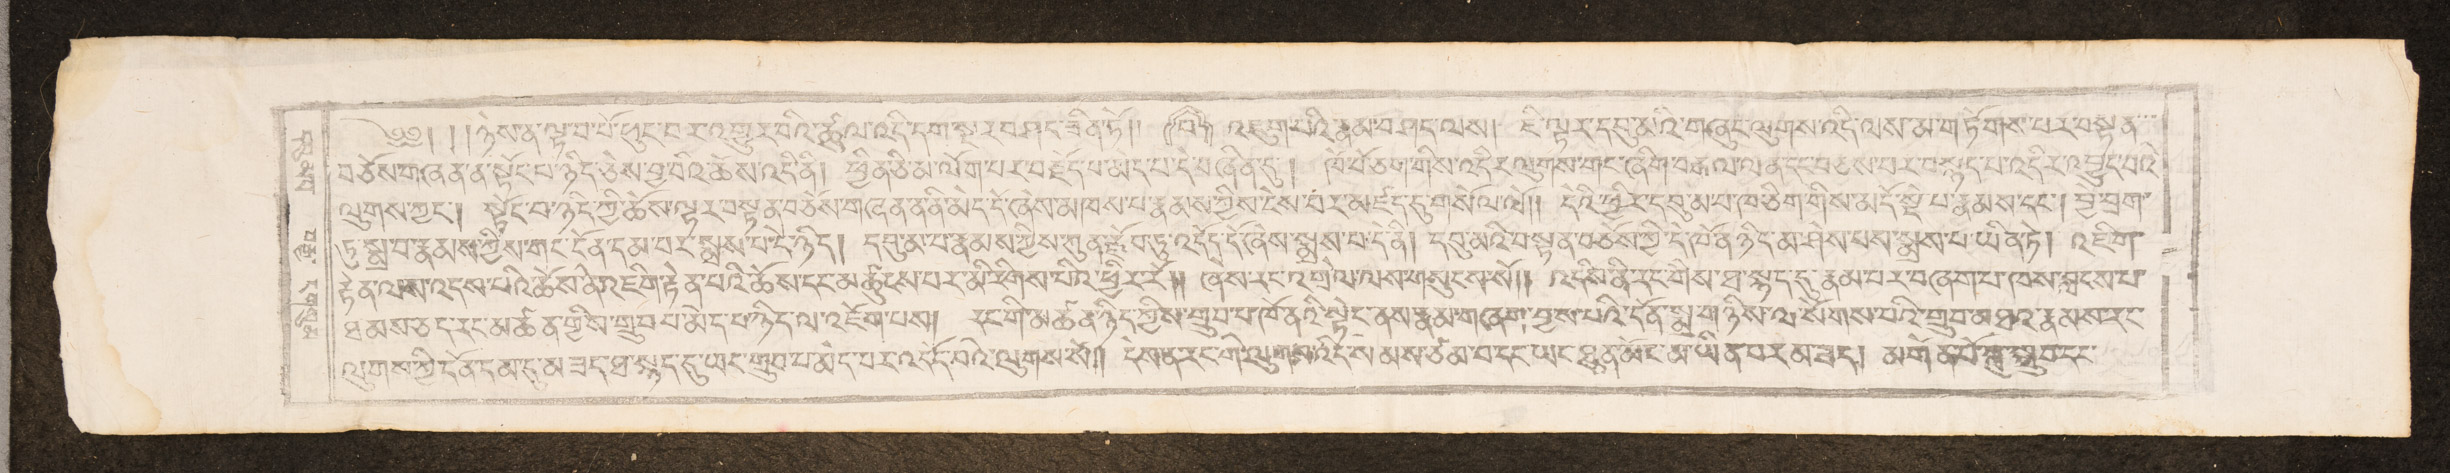༄༅། །ཉེས་ནས་ལྟ་བ་པོ་ཕུང་བར་འགྱུར་བའི་ཚུལ་འདི་དག་སྔར་བཤད་ཟིན་ཏོ།། ༼༽པ༼༽ འཇུག་པའི་རྣམ་བཤད་ལས། ཇི་ལྟར་དབུ་མའི་གཞུང་ལུགས་འདི་ལས་མ་གཏོགས་པར་བསྟན་
བཅོས་གཞན་ན་སྟོང་པ་ཉིད་ཅེས་བྱ་བའི་ཆོས་འདི་ནི། ཕྱིན་ཅི་མ་ལོག་པར་བརྗོད་པ་མེད་པ་དེ་བཞིན་དུ། ཁོ་བོ་ཅག་གིས་འདིར་ལུགས་གང་ཞིག་བརྒལ་ལན་དང་བཅས་པར་སྙད་པ་འདིར་འབྱུང་བའི་
ལུགས་ཀྱང་། སྟོང་པ་ཉིད་ཀྱི་ཆོས་ལྟར་བསྟན་པ་བཅོས་གཞན་ནི་མེད་དོ་ཞེས་ཁས་པ་རྣམས་ཀྱི་ཁ་ངེས་པར་མཛད་དུ་གསོལ་ལོ།། དེའི་ཕྱིར་དབུ་མ་ཁ་ཅིག་གིས་མདོ་སྡེ་པ་རྣམས་དང་། བྱེ་བྲག་
ཏུ་སྨྲ་བ་རྣམས་ཀྱིས་གང་དོན་དམ་པར་སྨྲས་པ་དེ་ཉིད། དབུ་མ་པ་རྣམས་ཀྱིས་ཀུན་རྫོབ་ཏུ་འདོད་དོ་ཞེས་སྨྲས་པ་དེ་ནི། དབུ་མའི་བསྟན་བཅོས་ཀྱི་དེ་ཁོ་ན་ཉིད་མ་ཤེས་པས་སྨྲས་པ་ཡིན་ཏེ། འཇིག་
རྟེན་ལས་འདས་པའི་ཆོས་ནི་འཇིག་རྟེན་པའི་ཆོས་དང་མཚུངས་པར་མི་རིགས་པའི་ཕྱིར་རོ།། ཞེས་རང་འགྲེལ་ལས་གསུངས་སོ།། འདིས་ནི་རང་གིས་ཐ་སྙད་དུ་རྣམ་པར་བཞག་པ་ཁས་བླངས་པ་
ཐམས་ཅད་རང་མཚན་གྱིས་གྲུབ་པ་མེད་པ་ཉིད་ལ་འཇོག་པས། རང་གི་མཚན་ཉིད་ཀྱིས་འགྱུར་པ་ཁོ་ན་སྟེང་ནས་རྣམ་གཞག་བྱས་པའི་དོན་སྨྲ་གཉིས་ལ་སོགས་པའི་གྲུབ་མཐའ་རྣམས་རང་
ལུགས་ཀྱི་དོན་དམ་དུ་མ་ཟད་ཐ་སྙད་དུ་ཡང་གྲུབ་པ་མེད་པར་འདོད་པའི་ལུགས་སོ།། དེས་ན་རྣག་གི་ལུགས་འདི་སེམས་ཙམ་པ་དང་ཡང་ཐུན་མོང་མ་ཡིན་པར་མ་ཟད། མགོན་པོ་ཀླུ་སྒྲུབ་དང་